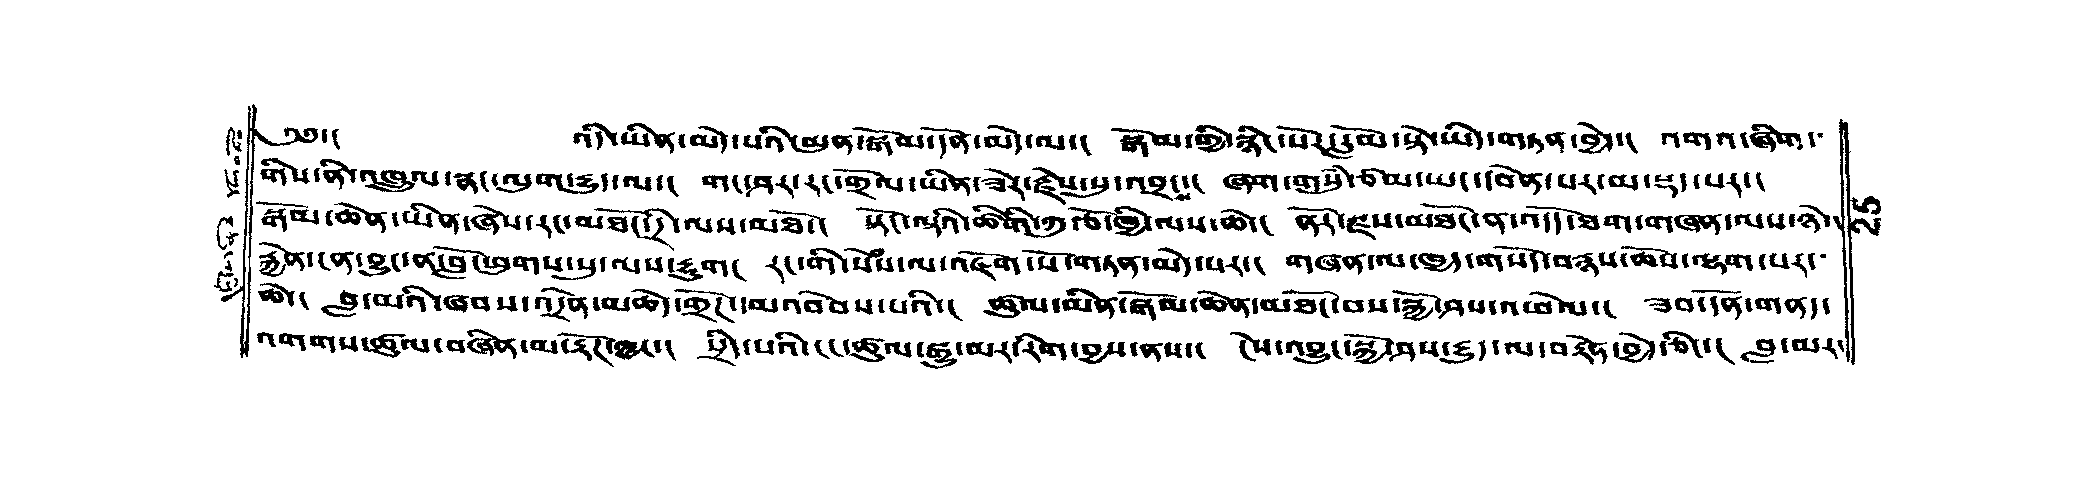འདི་ཡིན་མེད་པའི་མུན་སྒོམ་དོན་མེད་ལ། །སྒོམ་གྱི་སྙིང་པོར་རློམ་སྟེ་ཡིད་གཏན་བྱེད། །འགའ་ཞིག་
གིས་ནི་འཁྲུལ་སྣང་ལུག་རྒྱུད་ལ། །གང་ཤར་རང་གྲོལ་ཡིན་ཟེར་རྗེས་སུ་འབྲང་། །ཞག་གསུམ་ཙམ་ཡང་དབེན་པར་མ་སྡད་པར། །
སྒོམ་ཆེན་ཡིན་ཞེས་རང་མཐོང་རི་ལས་མཐོ། །སྟོང་ལྟའི་ཚིག་གི་ཀུ་ཅོ་ཁྱྀྀི་ལས་ཆེ། །ནོར་རྫས་མཐོང་ན་འདོད་ཐག་གཞན་ལས་ཉེ། །
རྐྱེན་ངན་བྱུང་ན་བློ་ཕུགས་སུ་ལས་དོག །རང་གི་སེམས་ལ་འཇོག་སོ་གཏན་མེད་པར། །གཞན་ལ་ཁྱད་གསོད་བརྙས་བཅོས་ལྷག་པར་
ཆེ། །བླ་མའི་ཞབས་འདྲེན་མཆེད་གྲོགས་དམའ་འབེབས་པའི། །ཚུལ་མིན་སྒོམ་ཆེན་མཐོང་བས་སྐྱོ་ཤས་འཕེལ། །ཟབ་དོན་གནད་
འགག་ཚུལ་བཞིན་མ་རྟོགས་ཀྱང་། །སྲིད་པའི་ངང་ཚུལ་སྒྱུ་མར་རིག་བྱས་ནས། །ངེས་འབྱུང་སྐྱོ་ཤས་རྒྱུད་ལ་བརྟེན་བྱེད་ཅིང་། །བླ་མར་